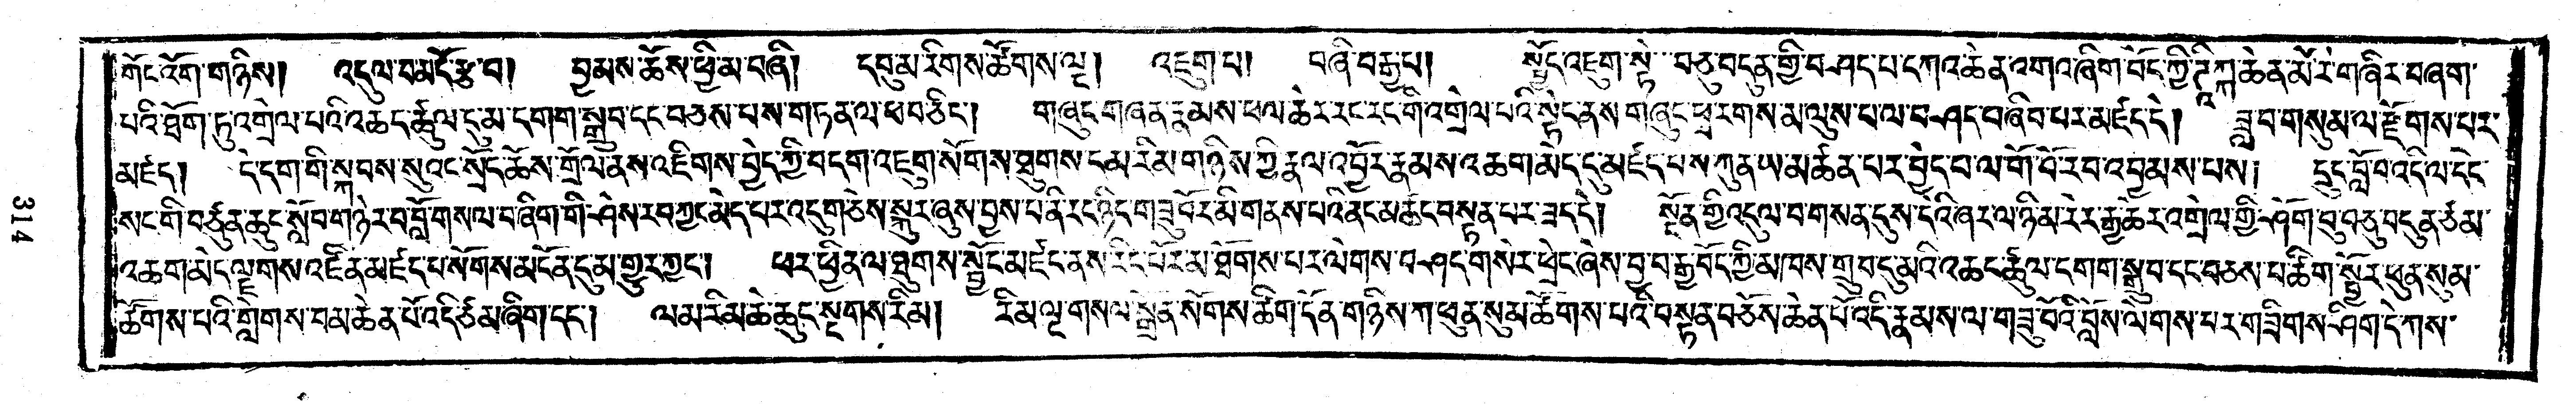གོང་འོག་གཉིས། འདུལ་བ་མདོ་རྩ་བ། བྱམས་ཆོས་ཕྱི་མ་བཞི། དབུ་མ་རིགས་ཚོགས་ལྔ། འཇུག་པ། བཞི་བརྒྱ་པ། སྤྱོད་འཇུག་སྟེ་བཅུ་བདུན་གྱི་བཤད་པ་དཀའ་ཆེན་འགའ་ཞིག་བོད་ཀྱི་ཌཱིཀྐ་ཆེན་མོ་རེ་གཞིར་བཞག་
པའི་ཐོག་ཏུ་འགྲེལ་པའི་འཆད་ཚུལ་དུ་མ་དགག་སྒྲུབ་དང་བཅས་པས་གཏན་ལ་ཕབ་ཅིང་། གཞུང་གཞན་རྣམས་ཕལ་ཆེར་རང་རང་གི་འགྲེལ་པའི་སྟེང་ནས་གཞུང་ཕྲ་རགས་མ་ལུས་པ་ལ་བཤད་པ་ཞིབ་པར་མཛད་དེ། ཟླ་བ་གསུམ་ལ་རྫོགས་པར་
མཛད། དེ་དག་གི་སྐབས་སུའང་སྲོད་ཆོས་གྲོལ་ནས་འཇིགས་བྱེད་ཀྱི་བདག་འཇུག་སོགས་ཐུགས་དམ་རིམ་གཉིས་ཀྱི་རྣལ་འབྱོར་རྣམས་འཆག་མེད་དུ་མཛད་པས་ཀུན་ཡ་མཚན་པར་བྱེད་པ་ལ་གོ་བོ་རབ་འབྱམས་པས། དྲུང་བློ་བ་འདི་ལ་དེང་
སང་གི་བཙུན་ཆུང་སློབ་གཉེར་བ་བློ་གསལ་བ་ཞིག་གི་ཤེས་རབ་ཀྱང་མེད་པར་འདུག་ཅེས་སྐུར་ཞུས་བྱས་པ་ནི་རང་ཉིད་གཟུ་བོར་མི་གནས་པའི་ནང་མཚང་བསྟན་པར་ཟད་དེ། སྔོན་གྱི་འདུལ་བ་གསན་དུས་དེའི་ཞར་ལ་ཉི་མ་རེར་རྒྱ་ཆེར་འགྲེལ་གྱི་ཤོག་བུ་བཅུ་བདུན་ཙམ་
འཆག་མེད་ལྗགས་འཛིན་མཛད་པ་སོགས་མངོན་དུ་མ་གྱུར་ཀྱང་། ཕར་ཕྱིན་ལ་ཐུགས་སྦྱོང་མཛད་ནས་རིང་པོར་མ་ཐོགས་པར་ལེགས་བཤད་གསེར་ཕྲེང་ཞེས་བྱ་བ་རྒྱ་བོད་ཀྱི་མཁས་གྲུབ་དུ་མའི་འཆང་ཚུལ་དགག་སྒྲུབ་དང་བཅས་པ་ཚིག་སྦྱོར་ཕུན་སུམ་
ཚོགས་པའི་གླེགས་བམ་ཆེན་པོ་འདི་ཙམ་ཞིག་དང་། ལམ་རིམ་ཆེ་ཆུང་སྔགས་རིམ། རིམ་ལྔ་གསལ་སྒྲོན་སོགས་ཚིག་དོན་གཉིས་ཀ་ཕུན་སུམ་ཚོགས་པའི་བསྟན་བཅོས་ཆེན་པོ་འདི་རྣམས་ལ་གཟུ་བོའི་བློས་ལེགས་པར་གཟིགས་ཤིག་དེ་ཀས་